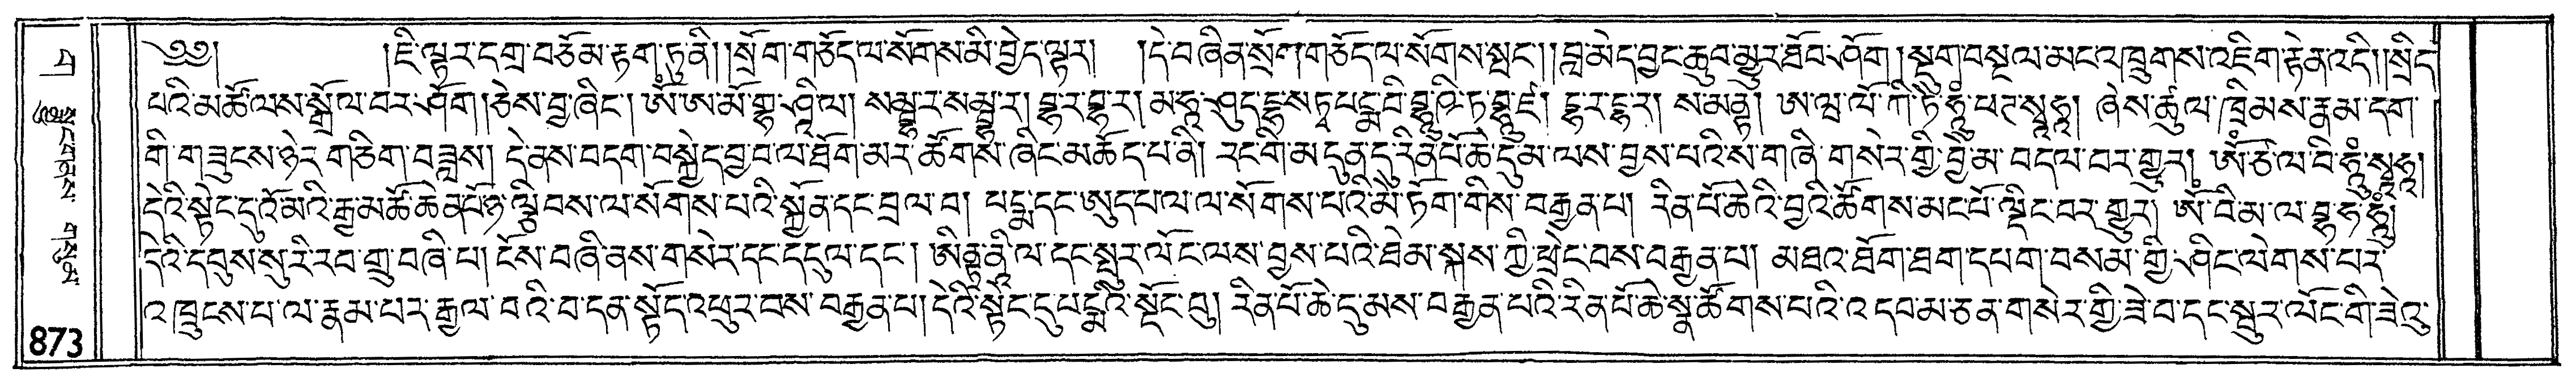༄༅། །ཇི་ལྟར་དགྲ་བཅོམ་རྟག་ཏུ་ནི། །སྲོག་གཅོད་ལ་སོགས་མི་བྱེད་ལྟར། །དེ་བཞིན་སྲོག་གཅོད་ལ་སོགས་སྤང་། །བླ་མེད་བྱང་ཆུབ་མྱུར་ཐོབ་ཤོག །སྡུག་བསྔལ་མང་འཁྲུགས་འཇིག་རྟེན་འདི། །སྲིད་
པའི་མཚོ་ལས་སྒྲོལ་བར་ཤོག །ཅེས་བྱ་ཞིང་། ཨོཾ་ཨ་མོ་གྷ་ཤཱི་ལ། སམྦྷ་ར་སམྦྷ་ར། བྷ་ར་བྷ་ར། མཧཱ་ཤུད་དྷ་སཏྭ་པདམ་བི་བྷཱུ་ཥི་ཏ་བྷཱུ་ཛ། དྷ་ར་དྷ་ར། ས་མནྟ། ཨ་ཝ་ལོ་ཀི་ཏེ་ཧཱུཾ་ཕཊ་སྭཱཧཱ། ཞེས་ཚུལ་ཁྲིམས་རྣམ་དག་
གི་གཟུངས་ཉེར་གཅིག་བཟླས། དེ་ནས་བདག་བསྐྱེད་བྱ་བ་ལ་ཐོག་མར་ཚོགས་ཞིང་མཆོད་པ་ནི། རང་གི་མདུན་དུ་རིན་པོ་ཆེ་དུ་མ་ལས་བྱས་པའི་ས་གཞི་གསེར་གྱི་བྱེ་མ་བདལ་བར་གྱུར། ཨོཾ་ཙ་ལ་བི་ཧཱུཾ་སྭཱཧཱ།
དེའི་སྟེང་དུ་འོ་མའི་རྒྱ་མཚོ་ཆེན་པོ་ཉ་ལྕིབས་ལ་སོགས་པའི་སྐྱོན་དང་བྲལ་བ། པདམ་དང་ཨུད་པ་ལ་ལ་སོགས་པའི་མེ་ཏོག་གིས་བརྒྱན་པ། རིན་པོ་ཆེའི་བྱའི་ཚོགས་མང་པོ་ལྡིང་བར་གྱུར། ཨོཾ་བི་མ་ལ་བྷ་ཧ་ཧཱུཾ།
དེའི་དབུས་སུ་རི་རབ་གྲུ་བཞི་པ། ངོས་བཞི་ནས་གསེར་དང་དངུལ་དང་། ཨིནྟྲ་ནཱི་ལ་དང་སྤུར་ལོང་ལས་བྱས་པའི་ཐེམ་སྐས་ཀྱི་ཕྲེང་བས་བརྒྱན་པ། མཐའ་ཐོག་ཐག་དཔག་བསམ་གྱི་ཤིང་ལེགས་པར་
འཁྲུངས་པ་ལ་རྣམ་པར་རྒྱལ་བའི་བ་དན་སྟོད་འཕུར་བས་བརྒྱན་པ། དེའི་སྟེང་དུ་པདམའི་སྡོང་བུ། རིན་པོ་ཆེ་དུ་མས་བརྒྱན་པའི་རིན་པོ་ཆེ་སྣ་ཚོགས་པའི་འདབ་མ་ཅན་གསེར་གྱི་ཟེ་བ་དང་སྦུར་ལོང་གི་ཟེའུ་